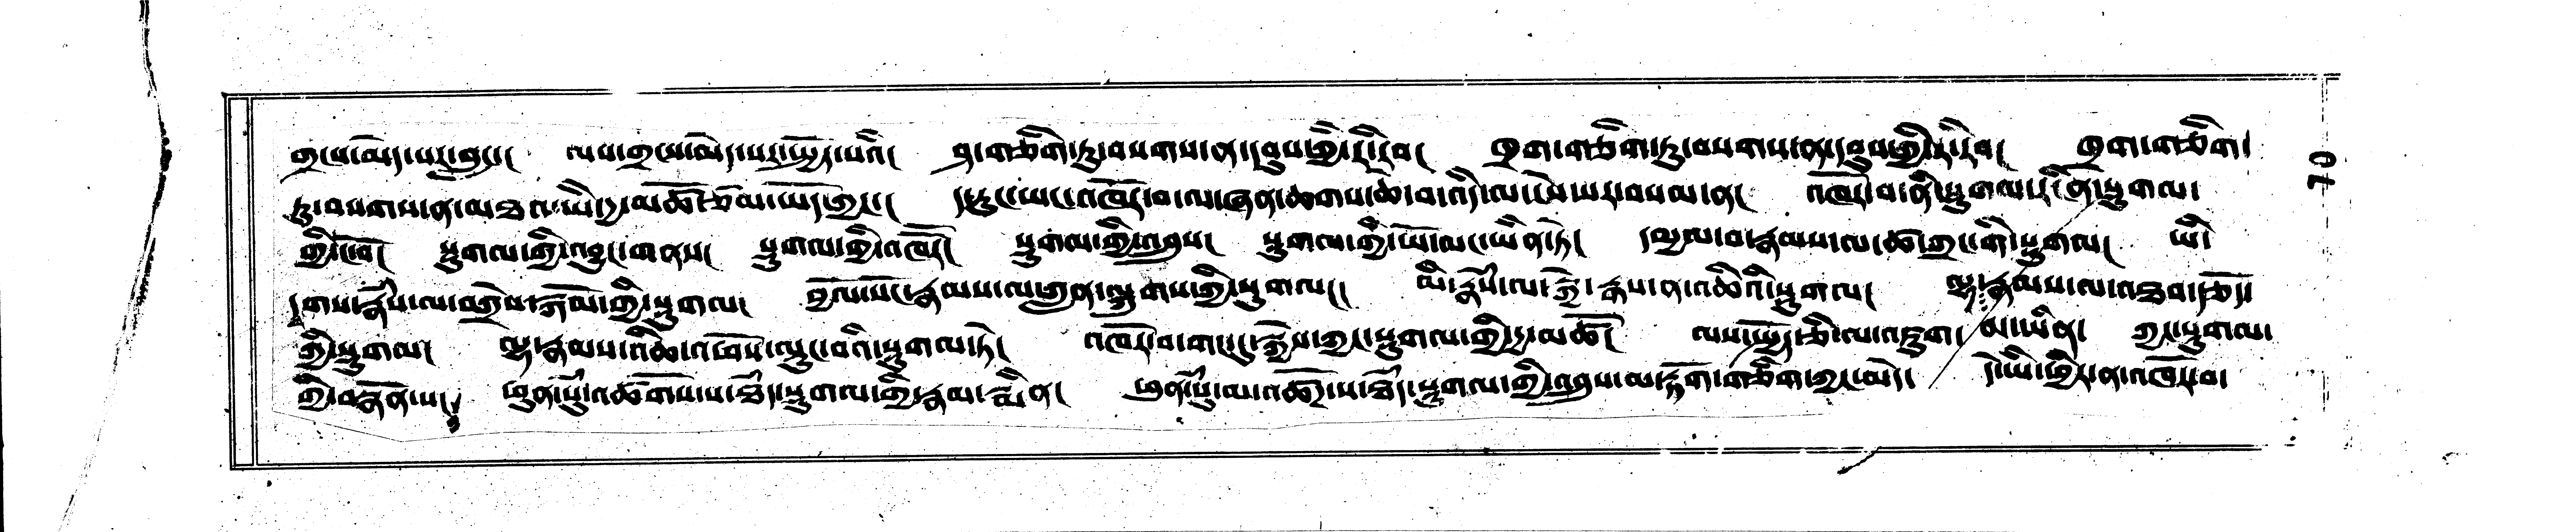གྲངས་མེད་པ་བླང་། ལས་གྲངས་མེད་པར་སྤྱོད་པའི། ཤ་གཅིག་ཏུ་བསགས་ན་དབུས་ཀྱི་རི་རབ། ཁྲག་གཅིག་
ཏུ་བསགས་ན་མཐའ་ཡི་རྒྱ་མཚོ་ཙམ་ཡོད་ཀྱང་། ད་རུང་ཡང་འཁོར་བ་ལ་ཞེན་ཆགས་ཆེ་བ་འདི་ལ་ངེས་པར་བསམ་ན། འཁོར་བ་ནི་སྡུག་བསྔལ་
གྱི་རང་བཞིན། སྡུག་བསྔལ་གྱི་ངོ་བོ། སྡུག་བསྔལ་གྱི་འབྱུང་གནས། སྡུག་བསྔལ་གྱི་འཁོར་ལོ། སྡུག་བསྔལ་གྱི་འབྲས་བུ། སྡུག་བསྔལ་གྱི་ཡོ་ལང་ཡིན་ཏེ། དམྱལ་བ་རྣམས་ལ་ཚ་གྲང་གི་སྡུག་བསྔལ། ཡི་
དྭགས་རྣམས་ལ་བཀྲེས་སྐོམ་གྱི་སྡུག་བསྔལ། བྱོལ་སོང་རྣམས་ལ་གླེན་ལྐུགས་ཀྱི་སྡུག་བསྔལ། མི་རྣམས་ལ་སྐྱེ་རྒ་ན་འཆིའི་སྡུག་བསྔལ། ལྷ་མ་ཡིན་རྣམས་ལ་འཐབ་རྩོད་
ཀྱི་སྡུག་བསྔལ། ལྷ་རྣམས་ལ་འཆི་འཕོས་ལྟུང་བའི་སྡུག་བསྔལ་ཏེ། འཁོར་བ་གང་དུ་སྐྱེས་ཀྱང་སྡུག་བསྔལ་གྱི་རྒྱ་མཚོ། ལས་སྤྱོད་ཅི་ལ་འཇུག་ཀྱང་སྡུག་བསྔལ་
གྱི་སྣོན་མ། ཕུན་སུམ་ཚོགས་པ་ཐམས་ཅད་སྡུག་བསྔལ་གྱི་རྣམ་སྨིན། ཕུན་སུམ་མ་ཚོགས་པ་ཐམས་ཅད་སྡུག་བསྔལ་གྱི་འབྲས་བུ་མ་གཏོགས་གཅིག་ཀྱང་མེད། དེ་ཡི་ཕྱིར་ན་འཁོར་བ་